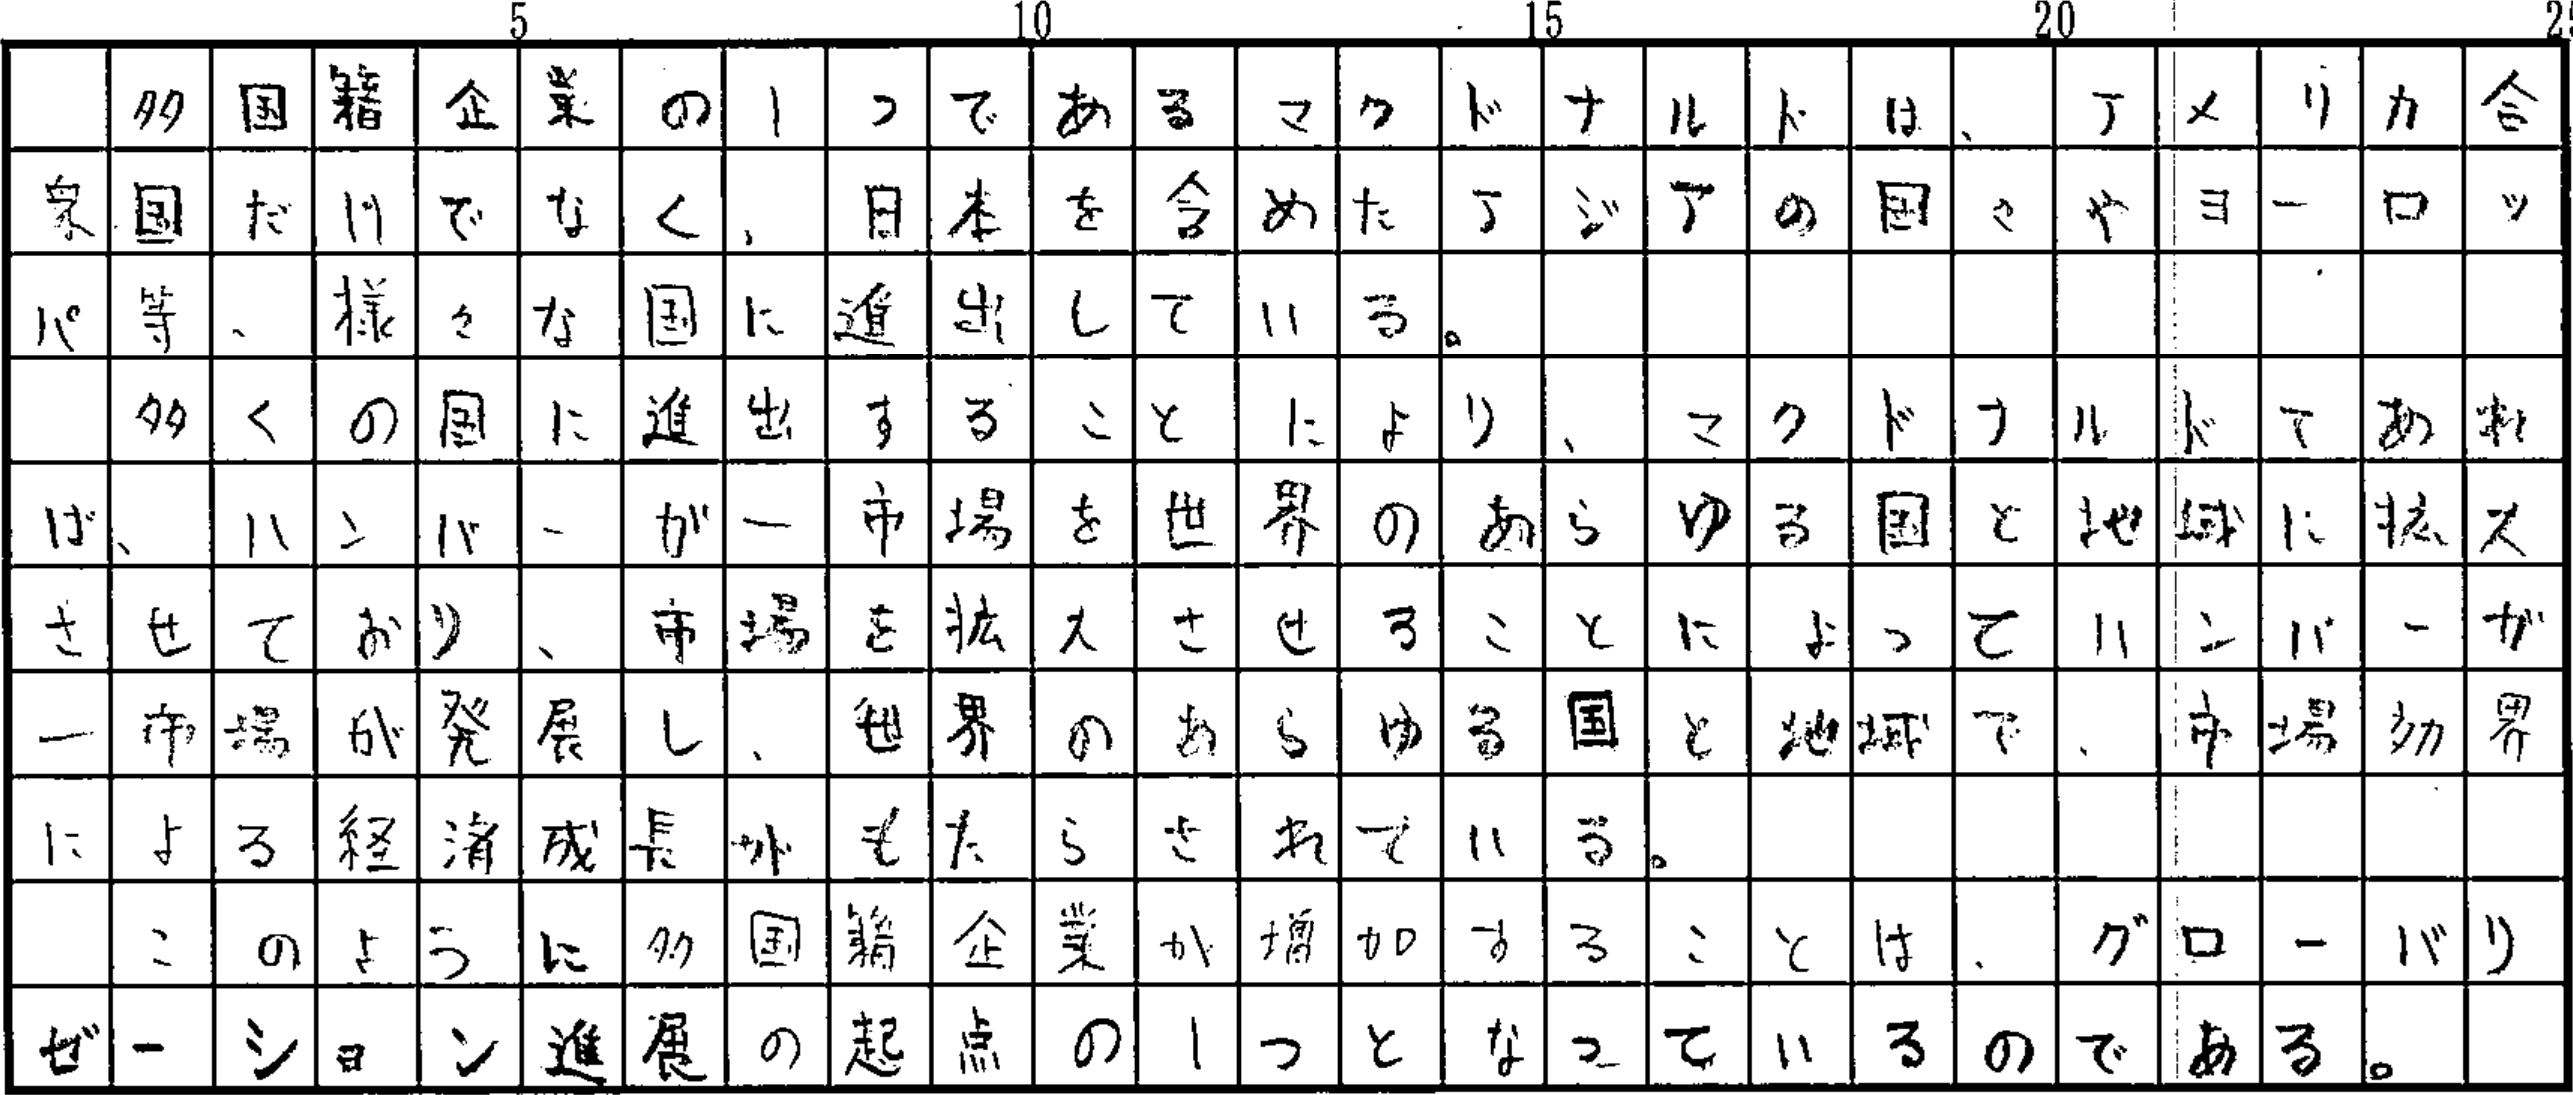　多国籍企業の１つであるマクドナルドは、アメリカ合衆国だけでなく、日本を含めたアジアの国々やヨーロッパ等、様々な国に進出している。
　多くの国に進出することにより、マクドナルドであれば、ハンバーガー市場を世界のあらゆる国と地域に拡大させており、市場を拡大させることによってハンバーガー市場が発展し、世界のあらゆる国と地域で、市場効界による経済成長がもたらされている。
　このように多国籍企業が増加することは、グローバリゼーション進展の起点の１つとなっているのである。
